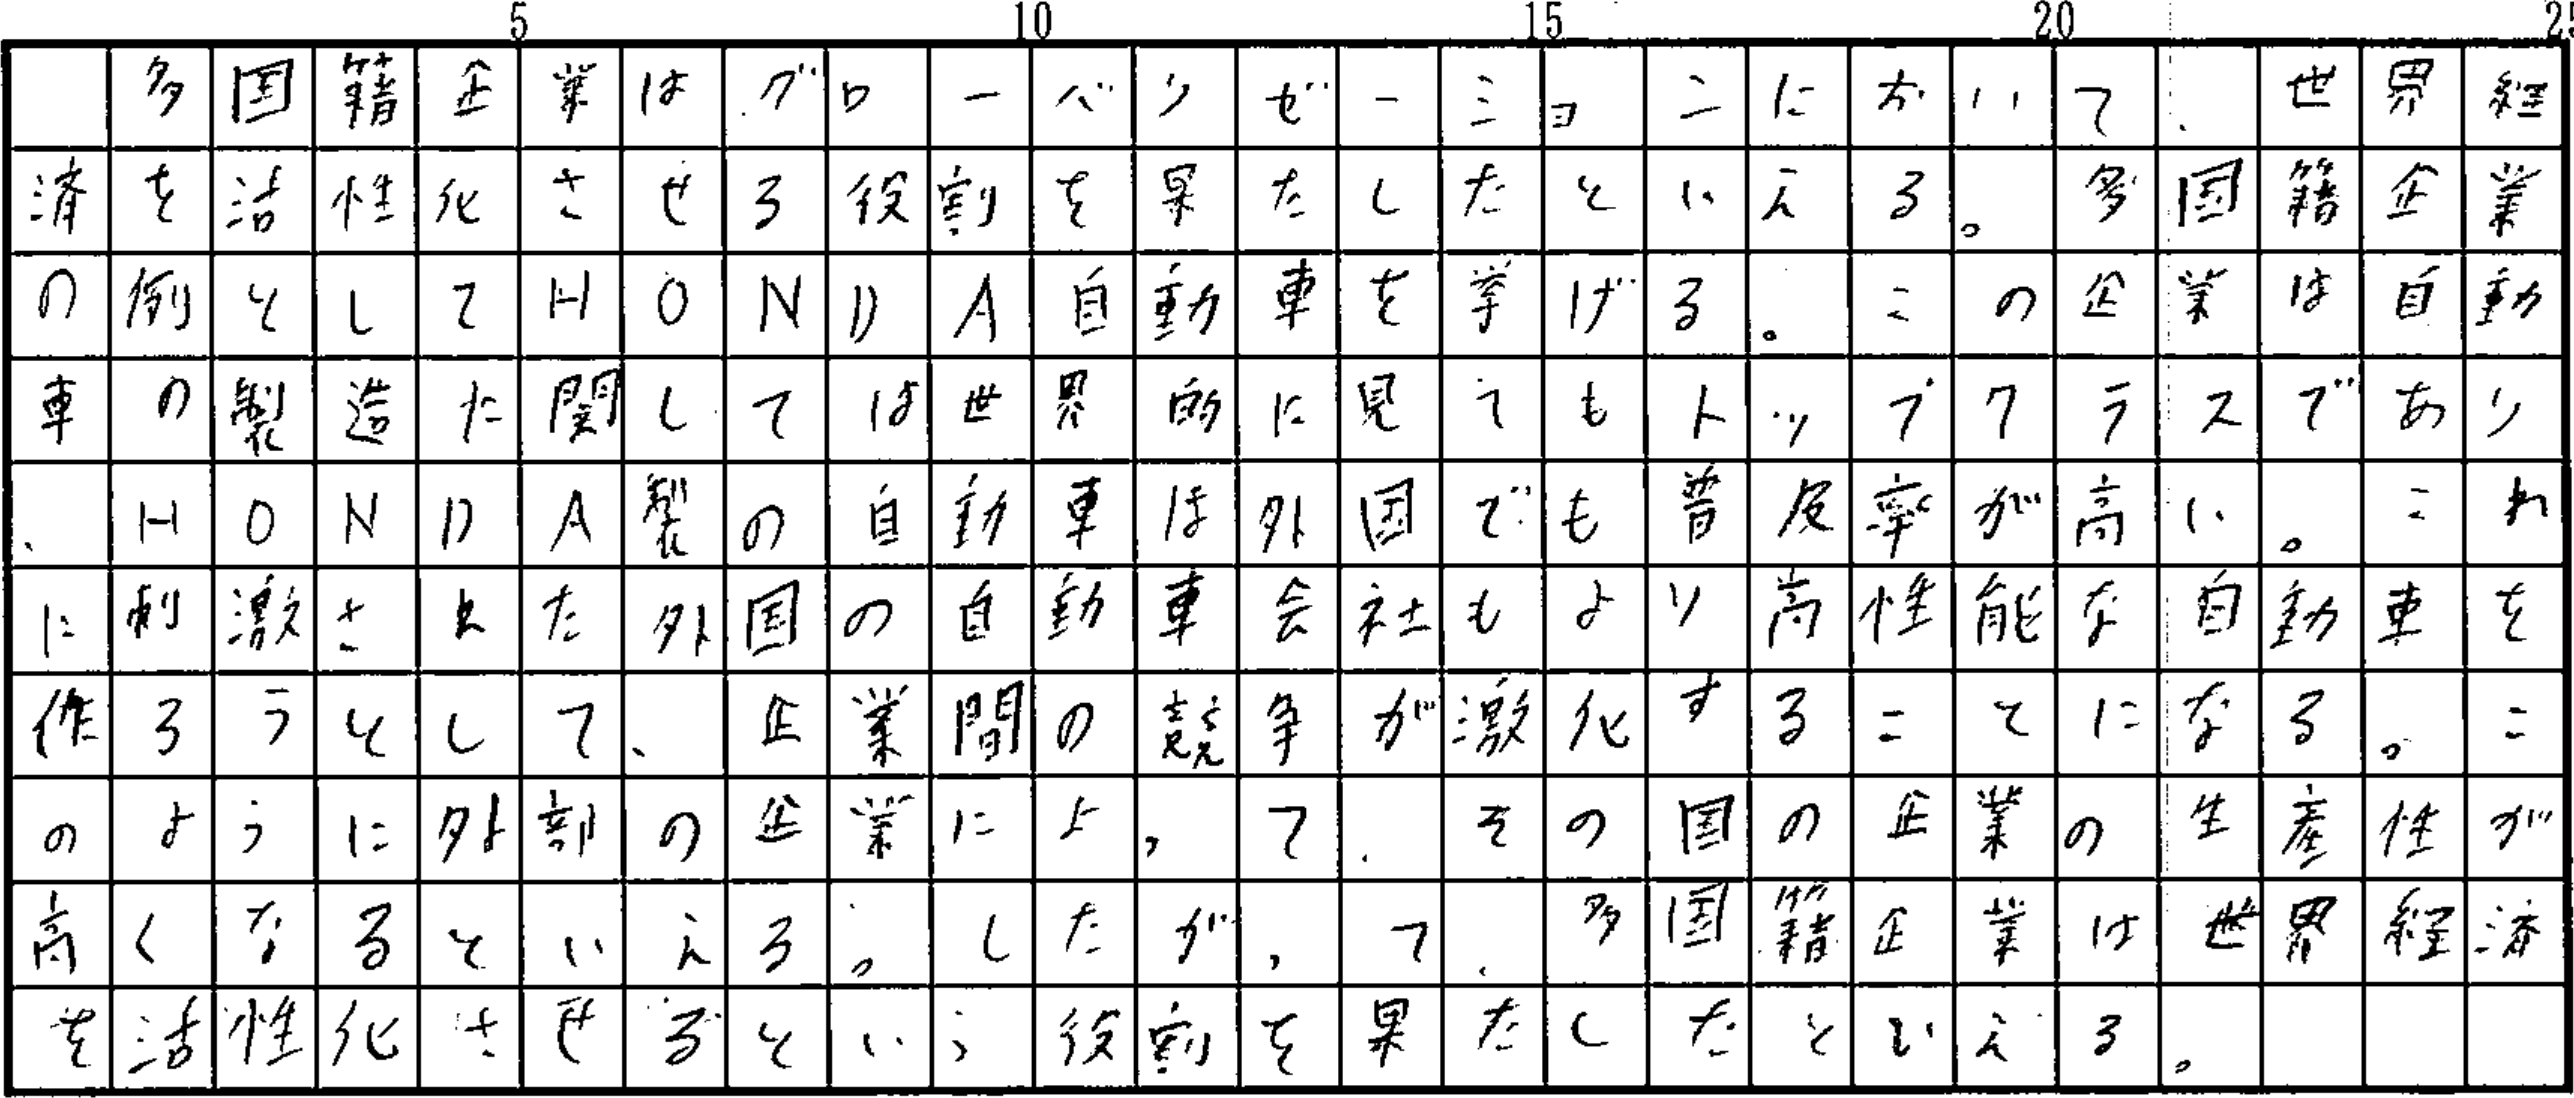　多国籍企業はグローバリゼーションにおいて、世界経済を活性化させる役割を果たしたといえる。多国籍企業の例としてＨＯＮＤＡ自動車を挙げる。この企業は自動車の製造に関しては世界的に見てもトップクラスであり、ＨＯＮＤＡ製の自動車は外国でも普及率が高い。これに刺激された外国の自動車会社もより高性能な自動車を作ろうとして、企業間の競争が激化することになる。このように外部の企業によって、その国の企業の生産性が高くなるといえる。したがって、多国籍企業は世界経済を活性化させるという役割を果たしたといえる。
